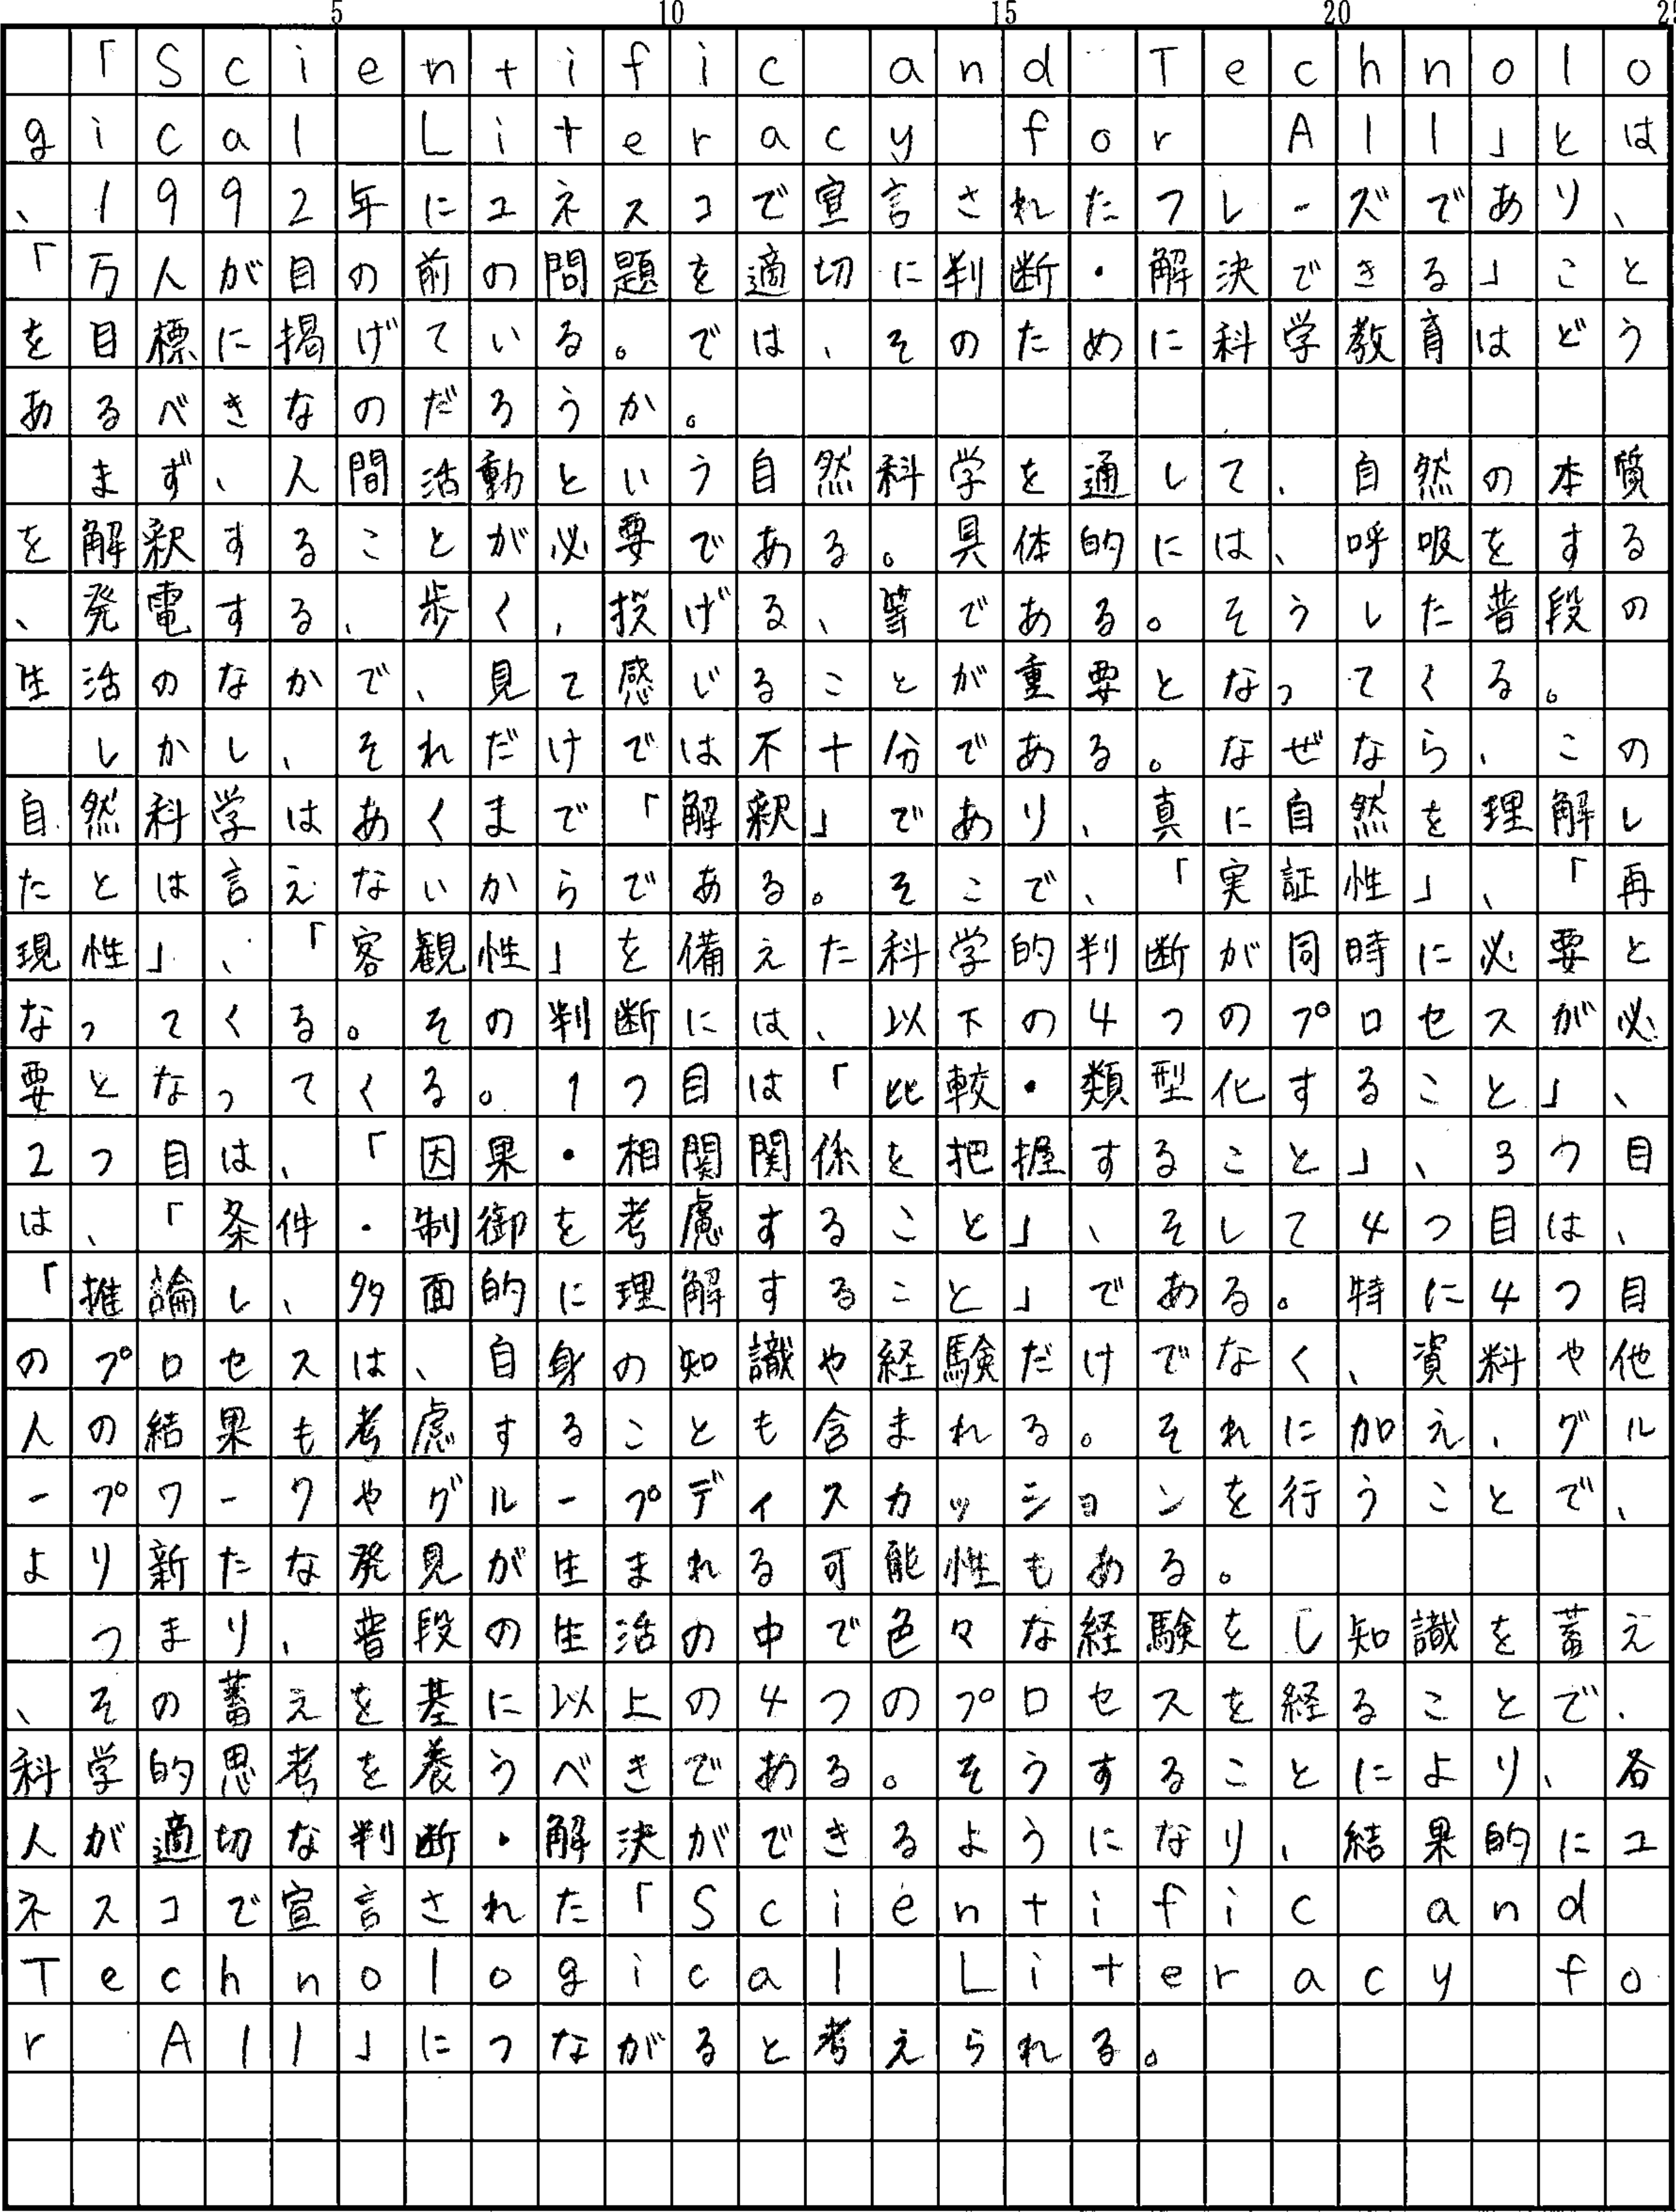　「Ｓｃｉｅｎｔｉｆｉｃ　ａｎｄ　Ｔｅｃｈｎｏｌｏｇｉｃａｌ　Ｌｉｔｅｒａｃｙ　ｆｏｒ　Ａｌｌ」とは、１９９２年にユネスコで宣言されたフレーズであり、「万人が目の前の問題を適切に判断・解決できる」ことを目標に掲げている。では、そのために科学教育はどうあるべきなのだろうか。
　まず、人間活動という自然科学を通して、自然の本質を解釈することが必要である。具体的には、呼吸をする、発電する、歩く、投げる、等である。そうした普段の生活のなかで、見て感じることが重要となってくる。
　しかし、それだけでは不十分である。なぜなら、この自然科学はあくまで「解釈」であり、真に自然を理解したとは言えないからである。そこで、「実証性」、「再現性」、「客観性」を備えた科学的判断が同時に必要となってくる。その判断には、以下の４つのプロセスが必要となってくる。１つ目は「比較・類型化すること」、２つ目は、「因果・相関関係を把握すること」、３つ目は、「条件・制御を考慮すること」、そして４つ目は、「推論し、多面的に理解すること」である。特に４つ目のプロセスは、自身の知識や経験だけでなく、資料や他人の結果も考慮することも含まれる。それに加え、グループワークやグループディスカッションを行うことで、より新たな発見が生まれる可能性もある。
　つまり、普段の生活の中で色々な経験をし知識を蓄え、その蓄えを基に以上の４つのプロセスを経ることで、科学的思考を養うべきである。そうすることにより、各人が適切な判断・解決ができるようになり、結果的にユネスコで宣言された「Ｓｃｉｅｎｔｉｆｉｃ　ａｎｄ　Ｔｅｃｈｎｏｌｏｇｉｃａｌ　Ｌｉｔｅｒａｃｙ　ｆｏｒ　Ａｌｌ」につながると考えられる。
